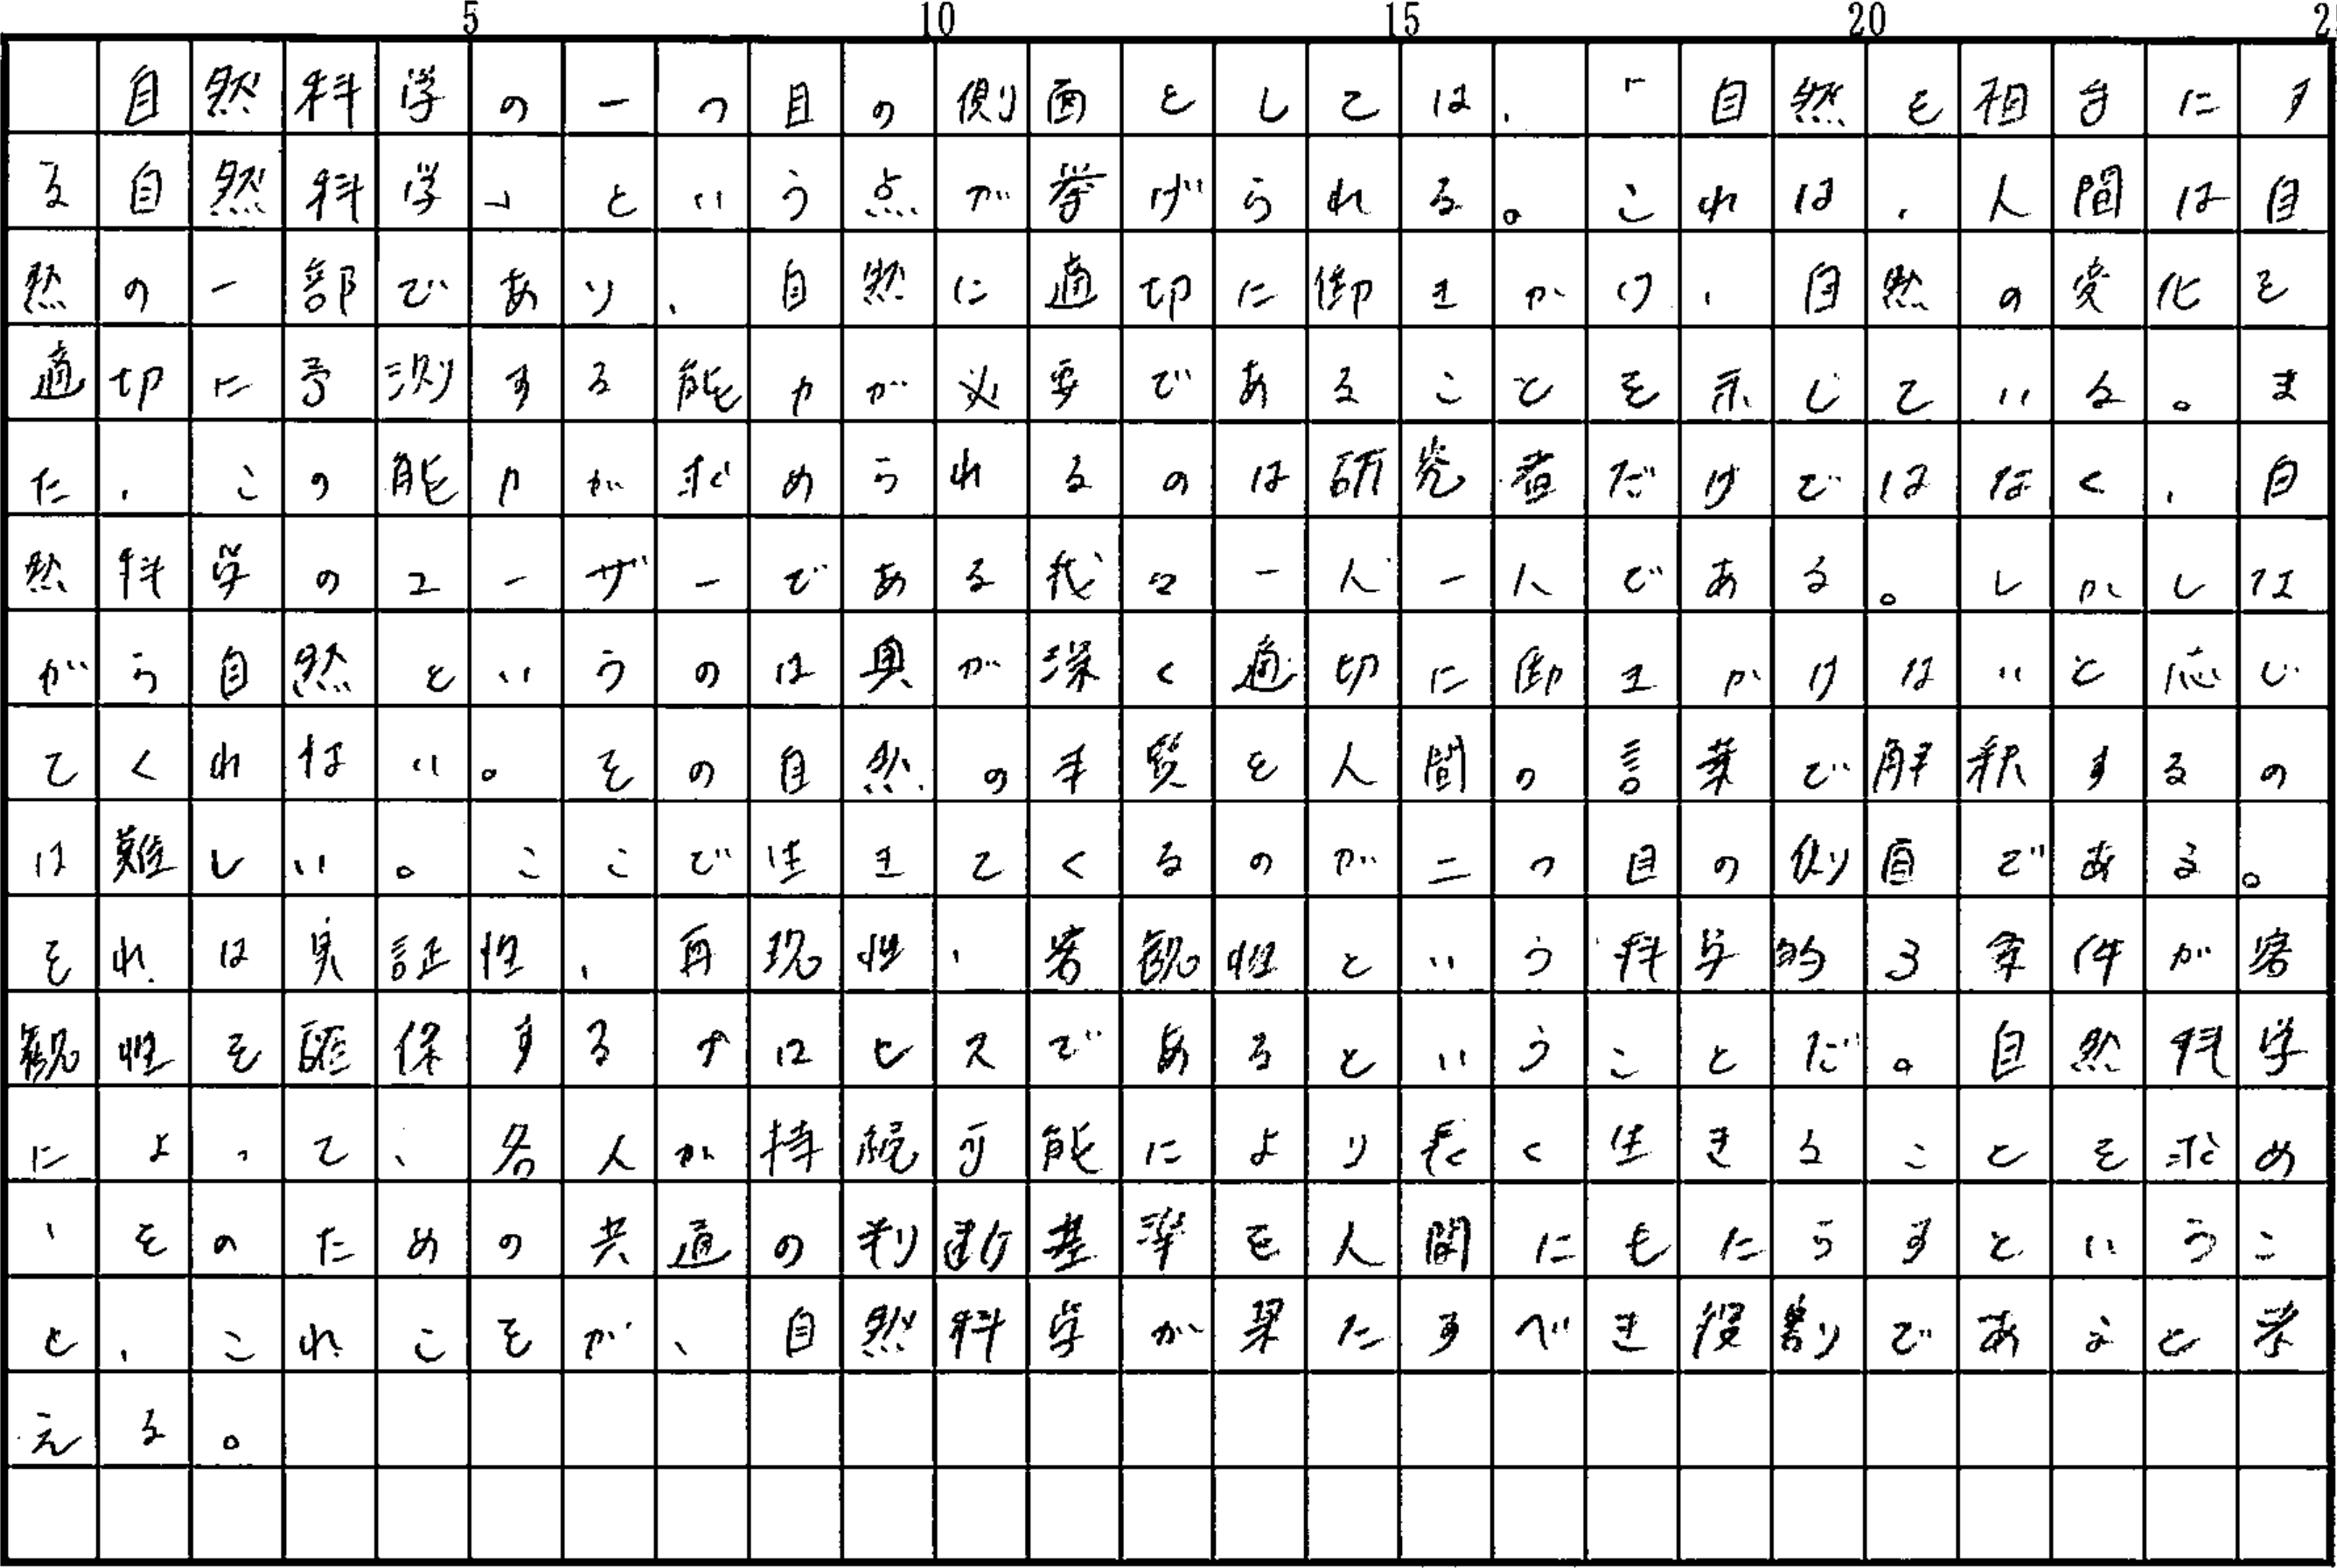　自然科学の一つ目の側面としては、「自然を相手にする自然科学」という点が挙げられる。これは、人間は自然の一部であり、自然に適切に働きかけ、自然の変化を適切に予測する能力が必要であることを示している。また、この能力が求められるのは研究者だけではなく、自然科▁のユーザーである我々一人一人である。しかしながら自然というのは奥が深く適切に働きかけないと応じてくれない。その自然の本質を人間の言葉で解釈するのは難しい。ここで生きてくるのが二つ目の側面である。それは実証性、再現性、客観性という科▁的３条件が客観性を確保するプロセスであるということだ。自然科学によって、各人が持続可能により長く生きることを求め、そのための共通の判断基準を人間にもたらすということ、これこそが、自然科学が果たすべき役割であると考える。
